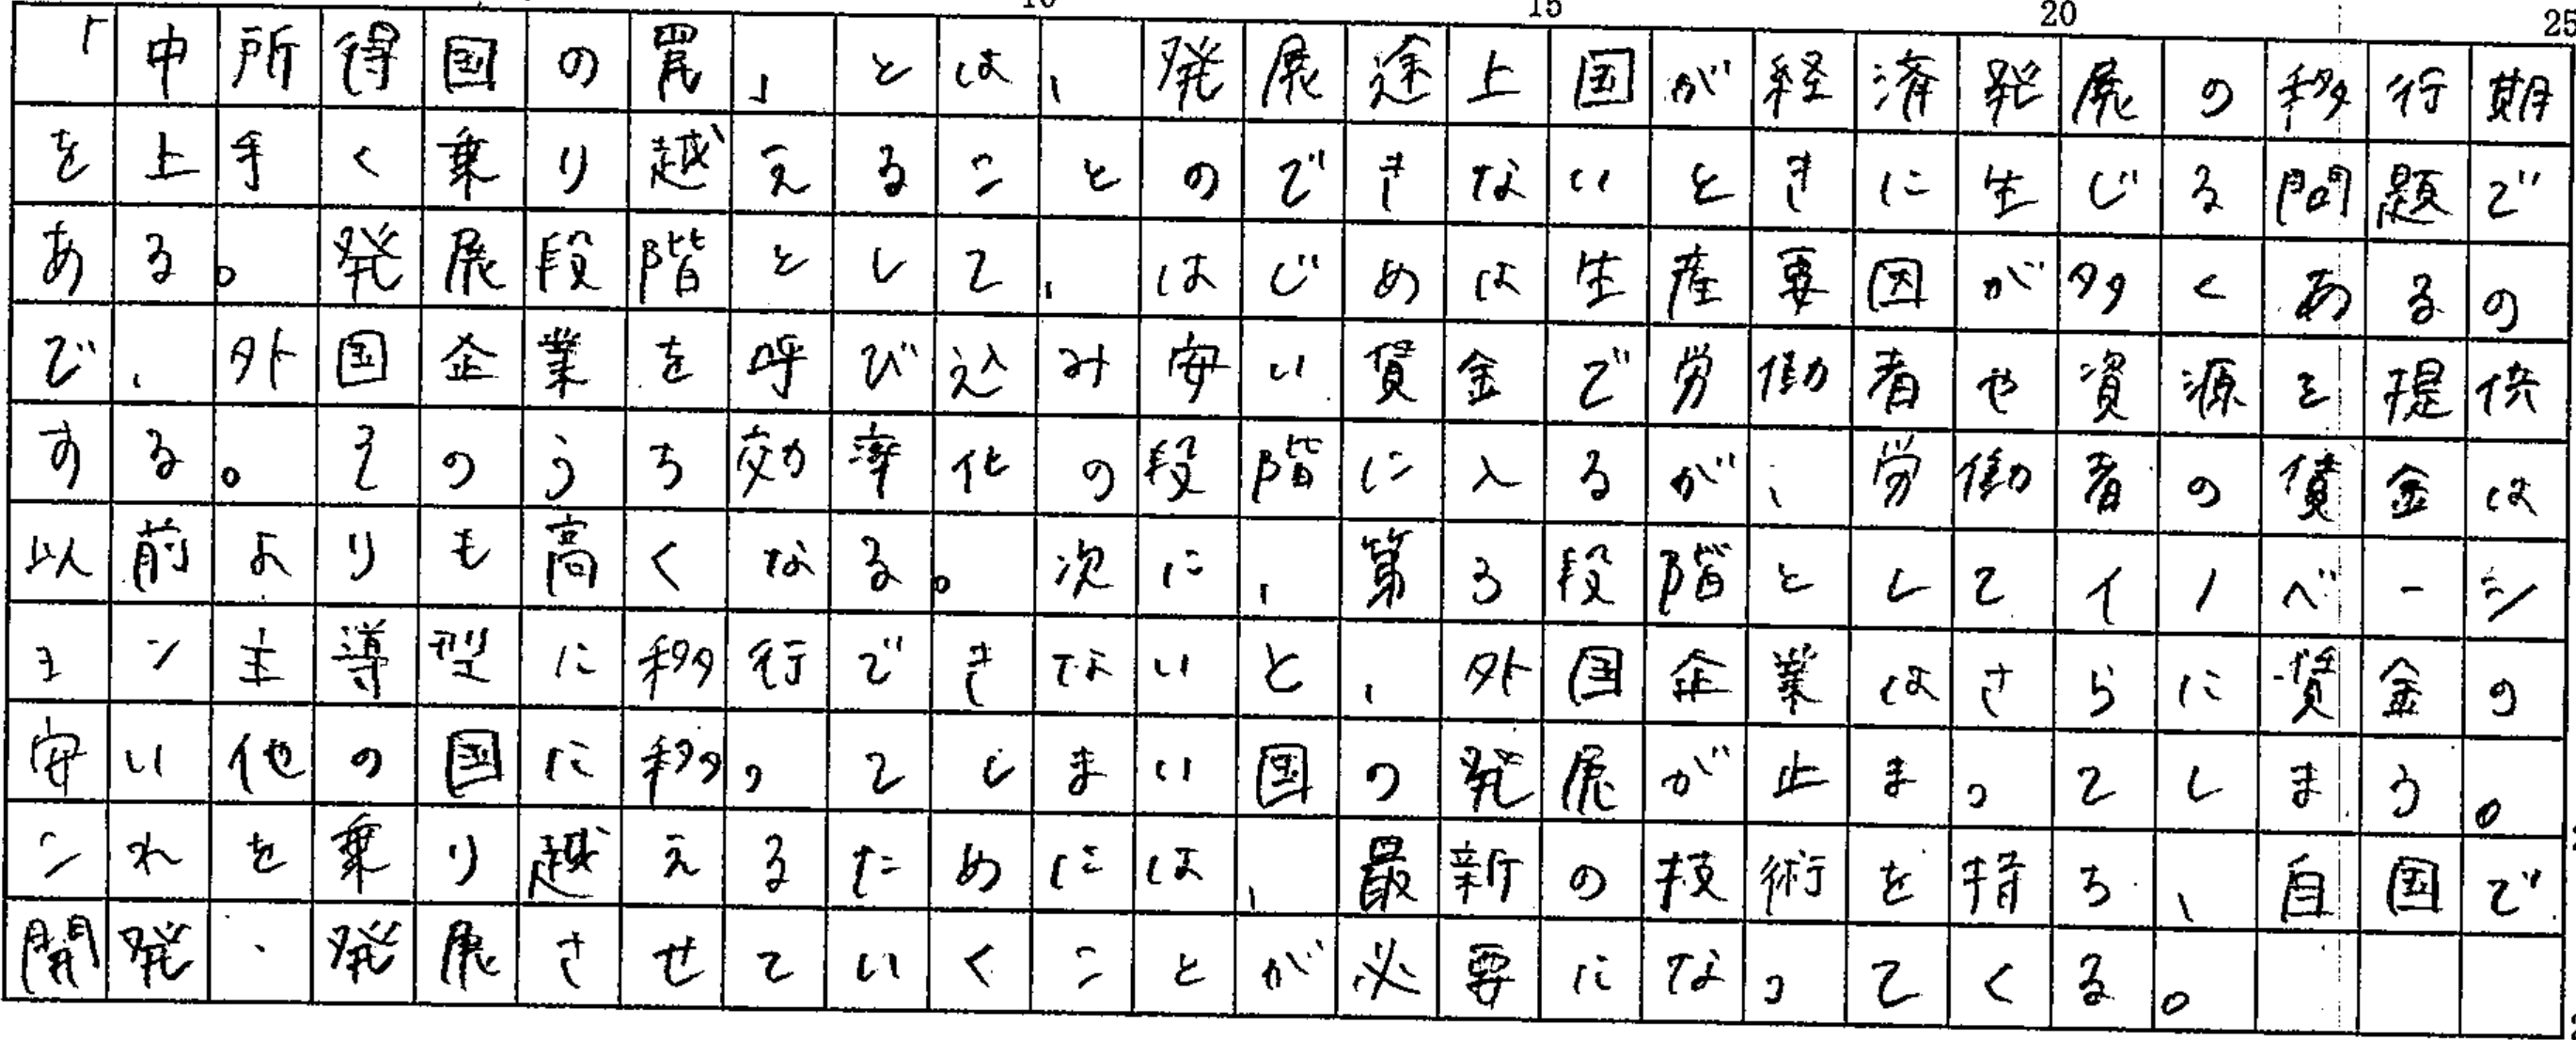「中所得国の罠」とは、発展途上国が経済発展の移行期を上手く乗り越えることのできないときに生じる問題である。発展段階として、はじめは生産要因が多くあるので、外国企業を呼び込み安い賃金で労働者や資源を提供する。そのうち効率化の段階に入るが、労働者の賃金は以前よりも高くなる。次に、第３段階としてイノベーション主導型に移行できないと、外国企業はさらに賃金の安い他の国に移ってしまい国の発展が止まってしまう。これを乗り越えるためには、最新の技術を持ち、自国で開発・発展させていくことが必要になってくる。
